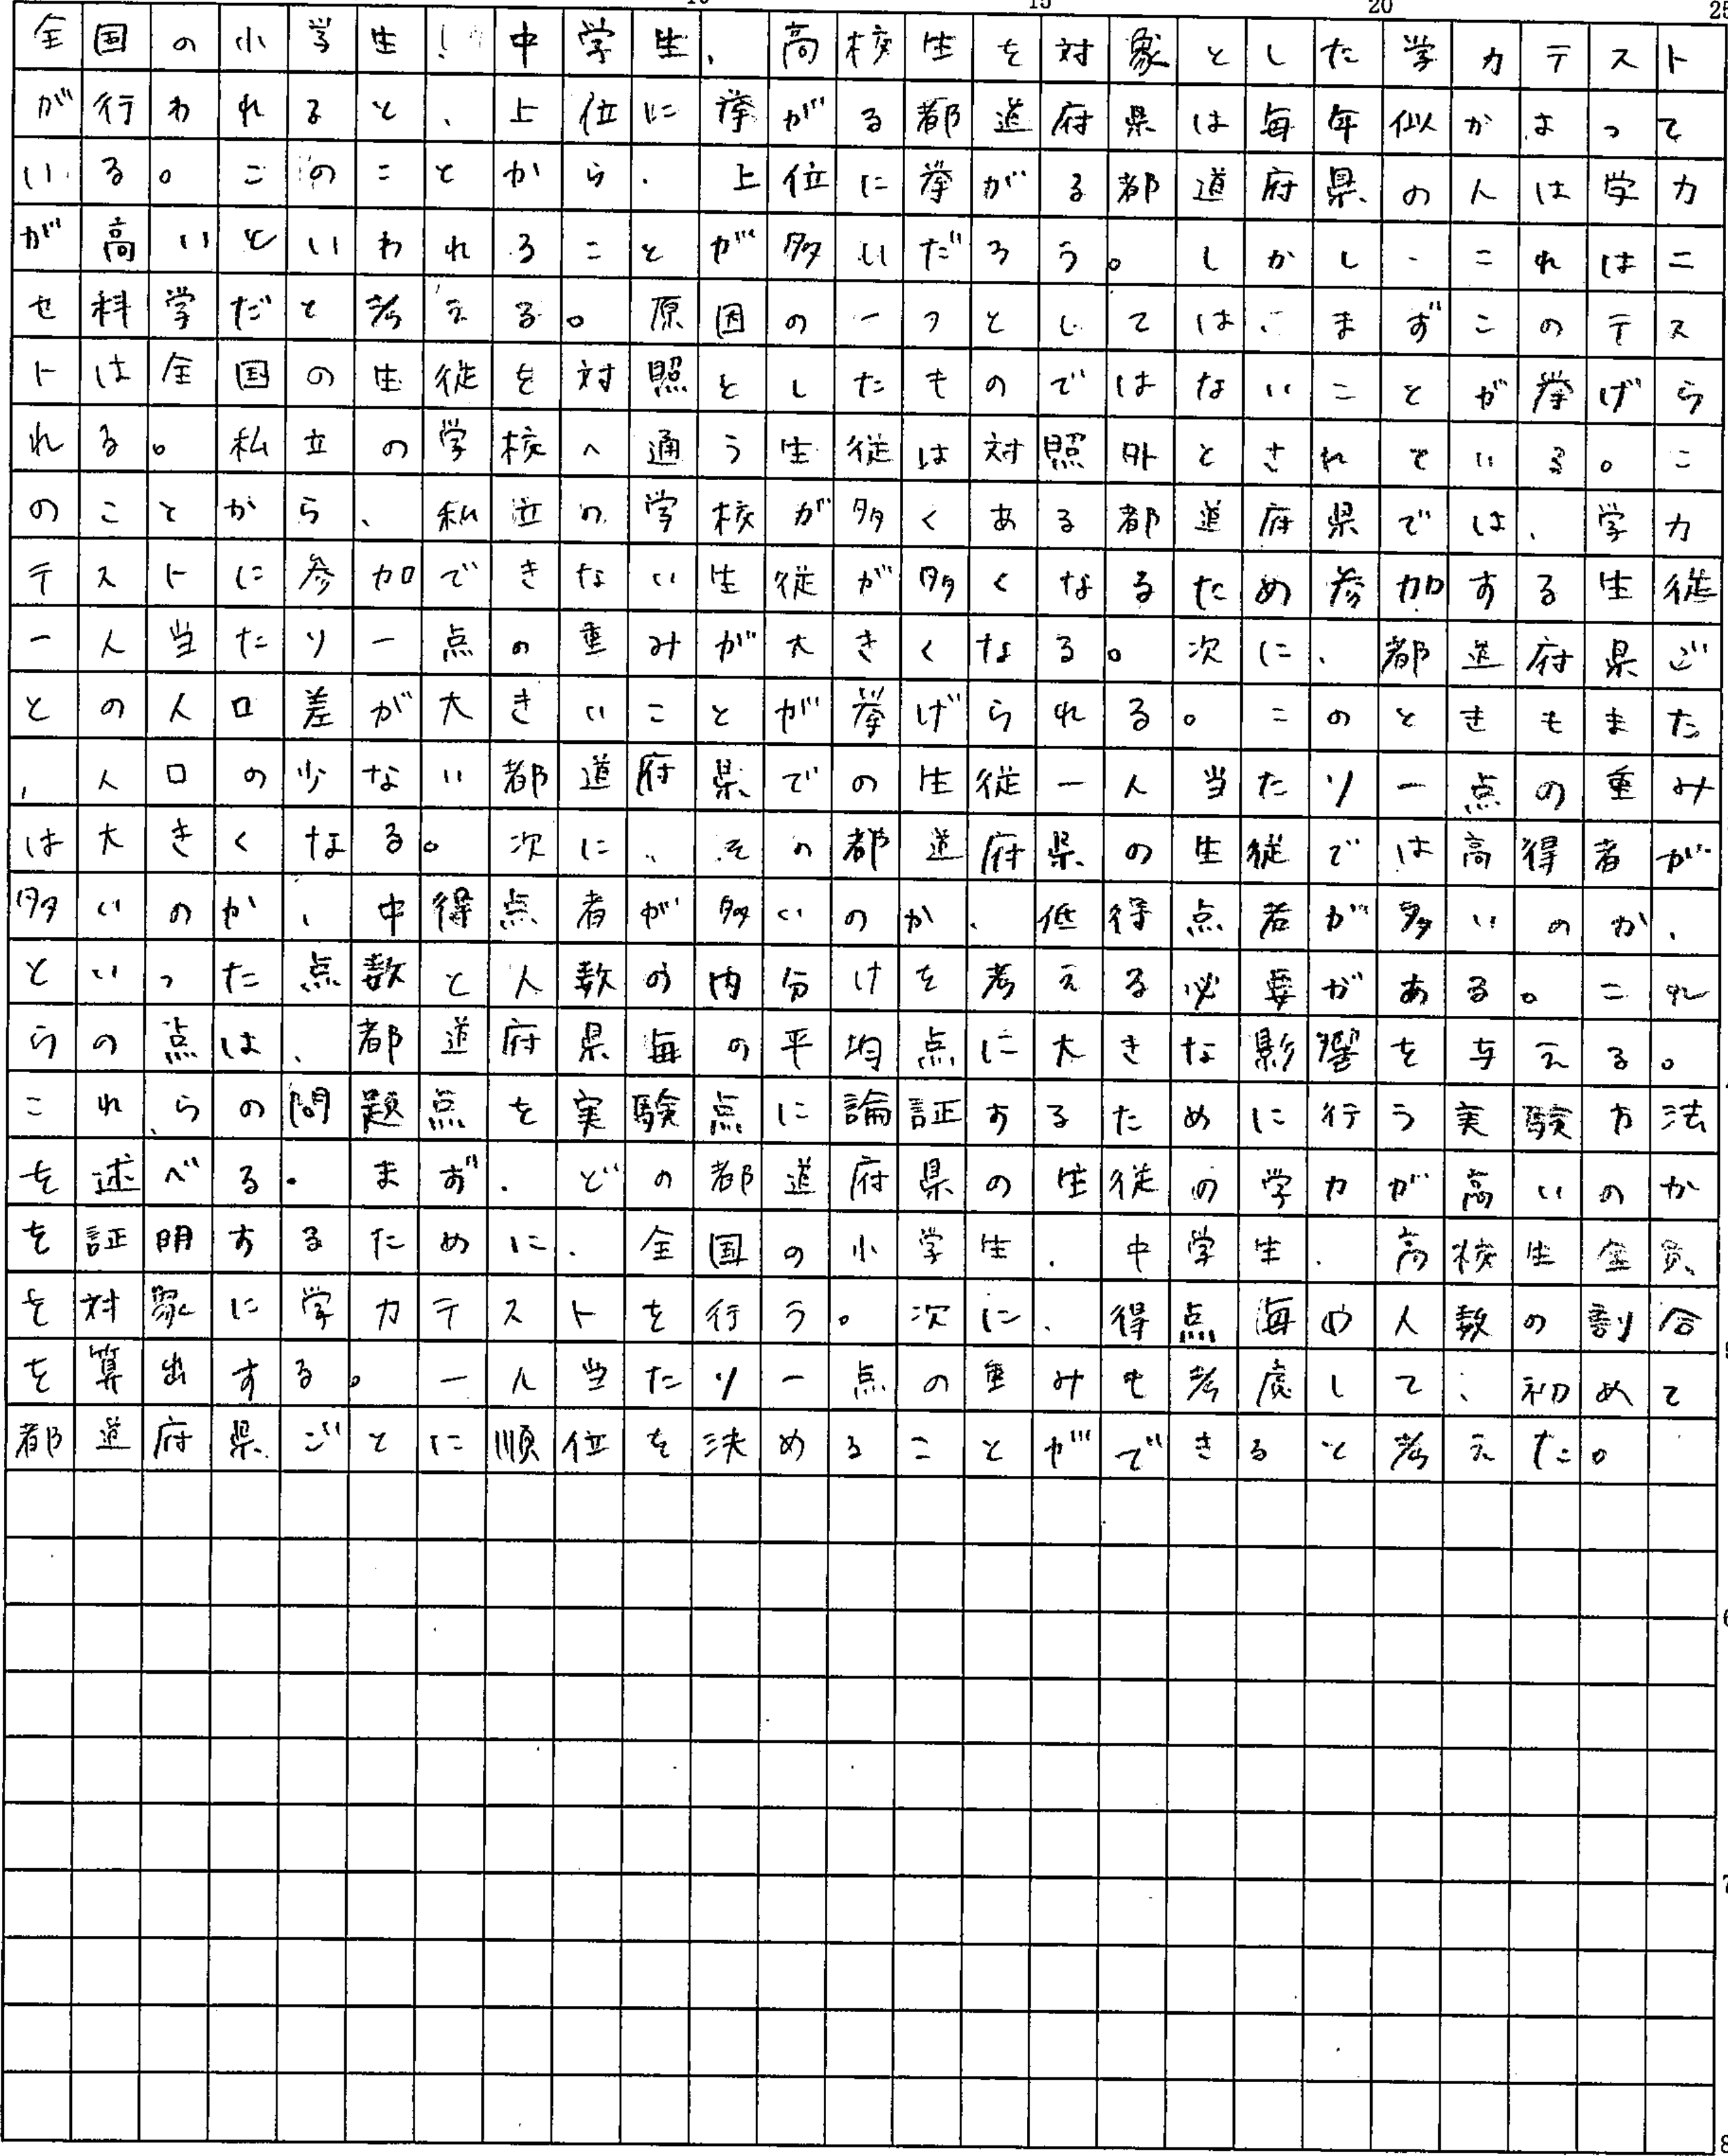全国の小学生、中学生、高校生を対象とした学力テストが行われると、上位に挙がる都道府県は毎年似かよっている。このことから、上位に挙がる都道府県の人は学力が高いといわれることが多いだろう。しかし、これはニセ科学だと考える。原因の一つとしては、まずこのテストは全国の生従を対照としたものではないことが挙げられる。私立の学校へ通う生従は対照外とされている。このことから、私立の学校が多くある都道府県では、学力テストに参加できない生従が多くなるため参加する生従一人当たり一点の重みが大きくなる。次に、都道府県ごとの人口差が大きいことが挙げられる。このときもまた、人口の少ない都道府県での生従一人当たり一点の重みは大きくなる。次に、その都道府県の生従では高得者が多いのか、中得点者が多いのか、低得点者が多いのか、といった点数と人数の内分けを考える必要がある。これらの点は、都道府県毎の平均点に大きな影響を与える。これらの問題点を実験点に論証するために行う実験方法を述べる。まず、どの都道府県の生従の学力が高いのかを証明するために、全国の小学生、中学生、高校生全員を対象に学力テストを行う。次に、得点毎の人数の割合を算出する。一人当たり一点の重みも考慮して、初めて都道府県ごとに順位を決めることができると考えた。
